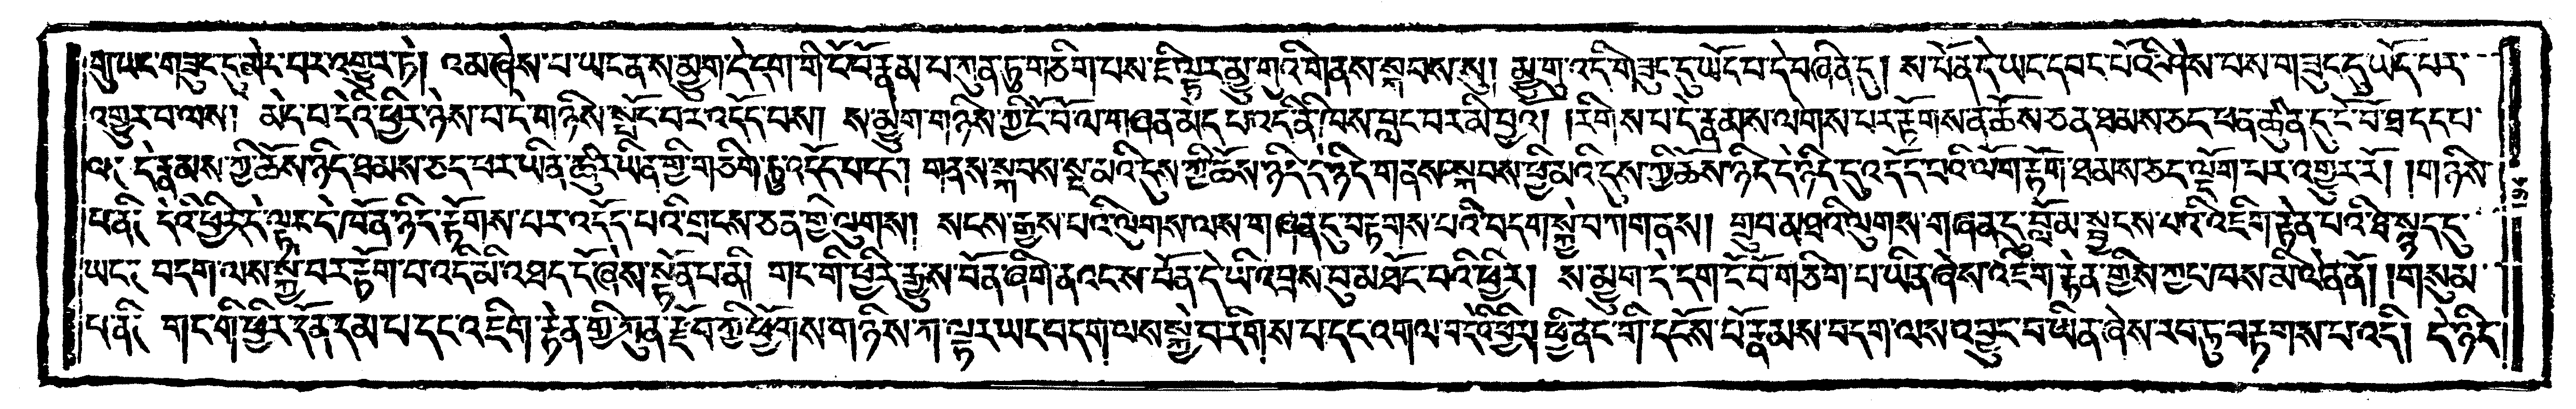གུ་ཡང་གཟུང་དུ་མེད་པར་འགྱུར་ཏེ། འམ་ཞེས་པ་ཡང་ན་ས་མྱུག་དེ་དག་གི་ངོ་བོ་རྣམ་པ་ཀུན་ཏུ་གཅིག་པས་ཇི་ལྟར་མྱུ་གུའི་གནས་སྐབས་སུ། མྱུ་གུ་འདི་གཟུང་དུ་ཡོད་པ་དེ་བཞིན་དུ། ས་བོན་དེ་ཡང་དབང་པོའི་ཤེས་པས་གཟུང་དུ་ཡོད་པར་
འགྱུར་བ་ལས། མེད་པ་དེའི་ཕྱིར་ཉེས་པ་དེ་གཉིས་སྤོང་བར་འདོད་པས། ས་མྱུག་གཉིས་ཀྱི་ངོ་བོ་ལ་གཞན་མེད་པ་འདི་ནི་ཁས་བླང་བར་མི་བྱའོ། །རིགས་པ་དེ་རྣམས་ལེགས་པར་རྟོགས་ན་ཆོས་ཅན་ཐམས་ཅད་ཕན་ཚུན་དུ་ངོ་བོ་ཐ་དད་པ་
ལ༑ དེ་རྣམས་ཀྱི་ཆོས་ཉིད་ཐམས་ཅད་ཕར་ཡིན་ཚུར་ཡིན་གྱི་གཅིག་ཏུ་འདོད་པ་དང་། གནས་སྐབས་སྔ་མའི་དུས་ཀྱི་ཆོས་ཉིད་དེ་ཉིད་གནས་སྐབས་ཕྱི་མའི་དུས་ཀྱི་ཆོས་ཉིད་དེ་ཉིད་དུ་འདོད་པའི་ལོག་རྟོག་ཐམས་ཅད་ལྡོག་པར་འགྱུར་རོ། །གཉིས་
པ་ནི༑ དེའི་ཕྱིར་དེ་ལྟར་དེ་ཁོ་ན་ཉིད་རྟོགས་པར་འདོད་པའི་གྲངས་ཅན་གྱི་ལུགས། སངས་རྒྱས་པའི་ལུགས་ལས་གཞན་དུ་བརྟགས་པའི་བདག་སྐྱེ་བཀག་ནས། གྲུབ་མཐའི་ལུགས་གཞན་དུ་བློ་མ་སྦྱངས་པའི་འཇིག་རྟེན་པའི་ཐ་སྙད་དུ་
ཡང༑ བདག་ལས་སྐྱེ་བར་རྟོག་པ་འདི་མི་འཐད་དོ་ཞེས་སྟོན་པ་ནི། གང་གི་ཕྱིར་རྒྱུ་ས་བོན་ཞིག་ནའང་ས་བོན་དེ་ཡི་འབྲས་བུ་མཐོང་བའི་ཕྱིར། ས་མྱུག་དེ་དག་ངོ་བོ་གཅིག་པ་ཡིན་ཞེས་འཇིག་རྟེན་གྱིས་ཀྱང་ཁས་མི་ལེན་ནོ། །གསུམ་
པ་ནི། གང་གི་ཕྱིར་དོན་དམ་པ་དང་འཇིག་རྟེན་གྱི་ཀུན་རྫོབ་ཀྱི་ཕྱོགས་གཉིས་ཀ་ལྟར་ཡང་བདག་ལས་སྐྱེ་བ་རིགས་པ་དང་འགལ་བ་དེའི་ཕྱིར། ཕྱི་ནང་གི་དངོས་པོ་རྣམས་བདག་ལས་འབྱུང་བ་ཡིན་ཞེས་རབ་ཏུ་བརྟགས་པ་འདི། །དེ་ཉིད་